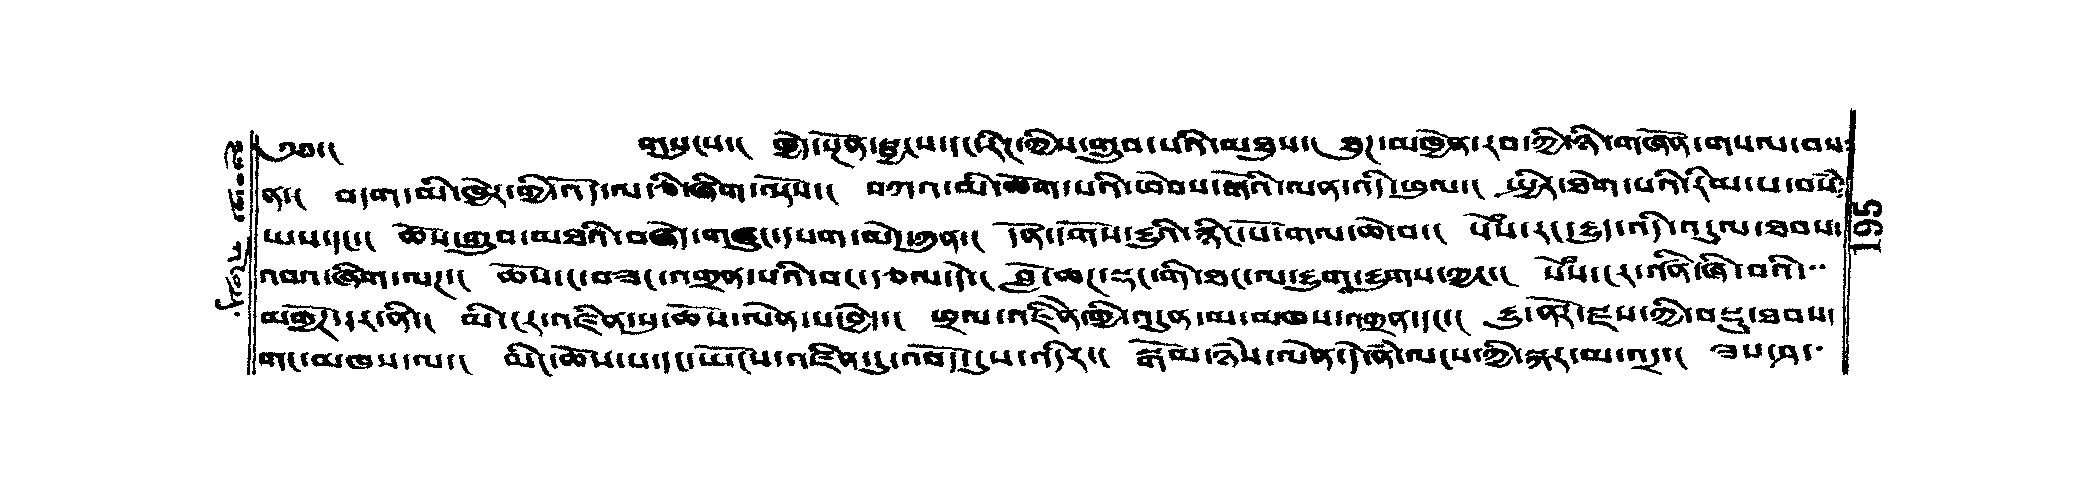གསུངས། །ཁྱེད་སྔོན་སྦྱངས་དང་རིགས་ཀྱིས་གྲུབ་པའི་མཐུས། །ཐུགས་མཁྱེན་རབ་ཀྱི་ཉི་གཞོན་གསལ་བས་
ན། །བདག་མེ་ཁྱེར་གྱི་འོད་ལ་ཅི་ཞིག་ལྟོས། །བཀའ་མི་ཆོག་པས་ཕེབས་སྒོའི་ལན་འདི་ཕུལ། །སྤྱིར་ཐེག་པའི་རིམ་པ་བསམ་
ཡས་དང། །ཆོས་གྲུབ་མཐའི་བཞེད་གཞུང་དཔག་མེད་ཀུན། །དོན་དགོས་རྒྱུའི་སྙིང་པོ་གལ་ཆེ་བ། །སེམས་རང་རྒྱུད་འདི་འདུལ་ཐབས་
འབའ་ཞིག་ལགས། །ཆོས་ང་བཟང་འགྲན་པའི་བང་རྩལ་དེ། །བློ་ཆགས་སྡང་གི་ཐང་ལ་རྒྱུག་རྒྱུགས་ཀྱང་། །སེམས་ངར་འཛིན་ཞི་བའི་
མགྱོགས་དར་ནི། །མི་ངར་འཛིན་སུ་ཆེས་ལེན་པར་བྱེད། །ཕྲལ་འཇིག་རྟེན་གྱི་འདུན་མ་མཁས་འགྲན་དང་། །རྒྱུ་ནོར་རྫས་ཀྱི་བསྡུ་ཐབས་
གང་མཁས་ལ། །མིང་ཆོས་པ་དང་ཡོངས་འཛིན་དུ་འབོད་དུས་འདིར། །སྒོམ་ཉམས་ལེན་དེ་ནམ་ལངས་ཀྱི་སྐར་མ་འདྲ། །ཟས་ཤ་